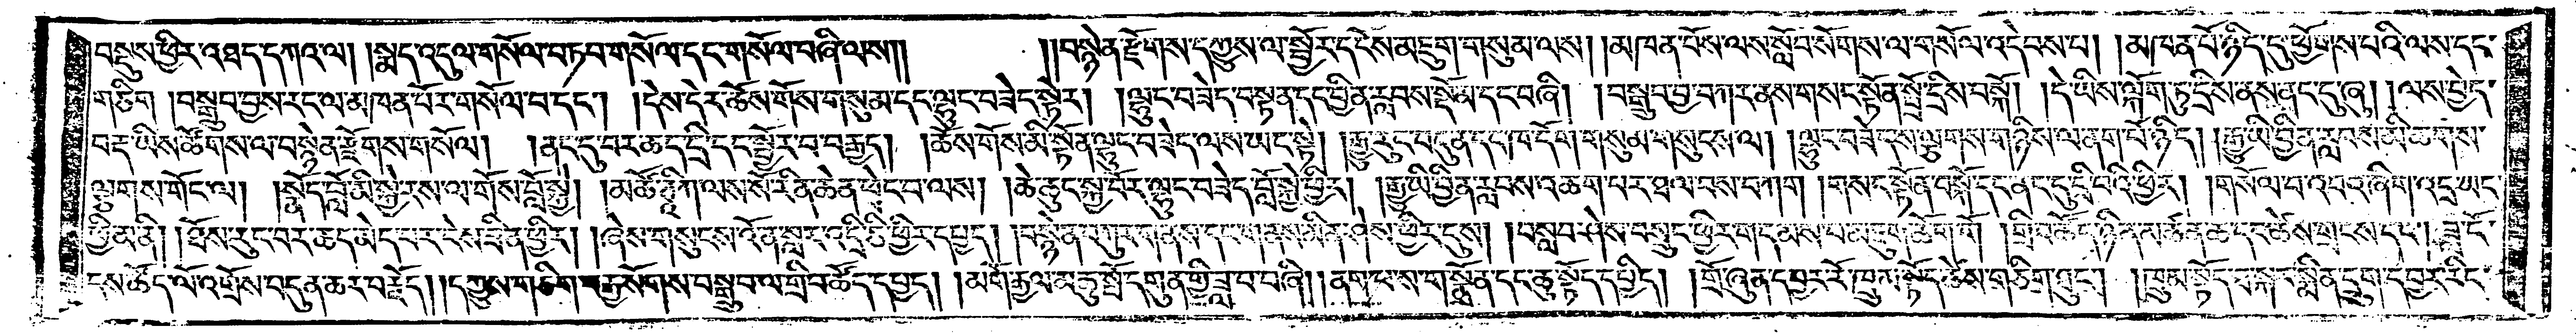བསྡུས་ཕྱིར་འཐད་དཀའ་ལས། །སྨད་འདུལ་གསོལ་བཏབ་གསོལ་དང་གསོལ་བཞི་ལས།། །།བསྙེན་རྫོགས་དཀྱུས་ལ་སྦྱོར་དངོས་མཇུག་གསུམ་ལས། །མཁན་པོས་ལས་སློབ་སོགས་ལ་གསོལ་འདེབས་པ། །མཁན་པོ་ཉིད་དུ་ཕྱོགས་པའི་ལས་དང་
གཅིག །བསྒྲུབ་བྱས་རང་ལ་མཁན་པོར་གསོལ་བ་དང་། །དེས་དར་ཆོས་གོས་གསུམ་དང་ལྟུང་བཟེད་སྟེར། །ལྷུང་བཟེད་བསྟན་དང་བྱིན་རླབས་སྡོམ་དང་བཞི། །བསྒྲུབ་བྱ་བཀར་ནས་གསང་སྟོན་སྤྲོ་དྲིས་བསྐོ། །དེ་ཡིས་ལྐོག་ཏུ་དྲིས་ནས་ནང་དུ་ཞུ། །ལས་བྱེད་
བརྡ་ཡིས་ཚོགས་ལ་བསྙེན་རྫོགས་གསོལ། །ནང་དུ་བར་ཆད་དྲི་དང་སྦྱོར་བ་བརྒྱད། །ཆོས་གོས་མི་སྟོན་ལྷུང་བཟེད་ལས་ཡང་སྟེ། །རྒྱུ་རུབ་བདུན་དང་ཁ་དོག་གསུམ་གསུངས་ལ། །ལྷུང་བཟེད་ས་ལྕགས་གཉིས་ལ་ནག་པོ་ཉིད། །རྒྱུ་ཡི་བྱིན་རླབས་མི་ཆགས་
ལྕགས་གོང་ལ། །སྣོད་བློ་མི་སྐྱེ་རས་ལ་གོས་བློ་སྐྱེ། །མཚོ་ཊཱིཀ་ལས་སོ་རིན་ཆེན་ཕྲེང་བ་ལས། །ཆེ་ཆུང་སྐྱ་བོར་ལྷུང་བཟེད་བློ་སྐྱེ་ཕྱིར། །རྒྱུ་ཡི་བྱིན་རླབས་འཆག་པར་ཐལ་བས་བཀག །གསང་སྟོན་བསྐོ་དང་ནང་དུ་དྲི་བའི་ཕྱིར། །གསོལ་བ་འབའ་ཞིག་འདྲ་ཡང་
ཕྱི་མ་ནི། །ཐོས་རུང་བར་ཆད་མེད་པར་ངེས་ཟིན་ཕྱིར། །ཞེས་གསུངས་འོ་ན་སླད་འདྲི་ཅི་ཕྱིར་དཔྱད། །བསྙེན་བཀུར་གནས་དང་གནས་མིན་ཤེས་ཕྱིར་དུས། །བསླབ་ཤེས་བསྲུང་ཕྱིར་གདམས་པ་མཇུག་ཆོག་གོ། །གྲིབ་ཚོད་ཉིན་མཚན་ཆ་དང་ཚེས་གྲངས་དང་། ཟླ་ངོ་
དུས་ཆོད་ལོ་འགྲོས་བདུན་ཆར་བརྗོད། །དཀྱུས་གཅིག་བརྒྱ་སོགས་བསྒྲུབ་ལ་གྲིབ་ཚོད་དཔྱད། །མགོ་རྒྱལ་མཆུ་སྦོ་དགུན་གྱི་ཟླ་བ་བཞི། །ནག་པས་ག་སྣྲོན་དང་ཆུ་སྟོད་དཔྱིད། །གྲོ་ཞུན་དབྱར་རོ་ཁྲུམ་སྟོད་ཚེས་གཅིག་ཐུང་། །ཁྲུམ་སྟོད་ཐ་སྐར་སྨིན་དྲུག་དབྱར་རིང་